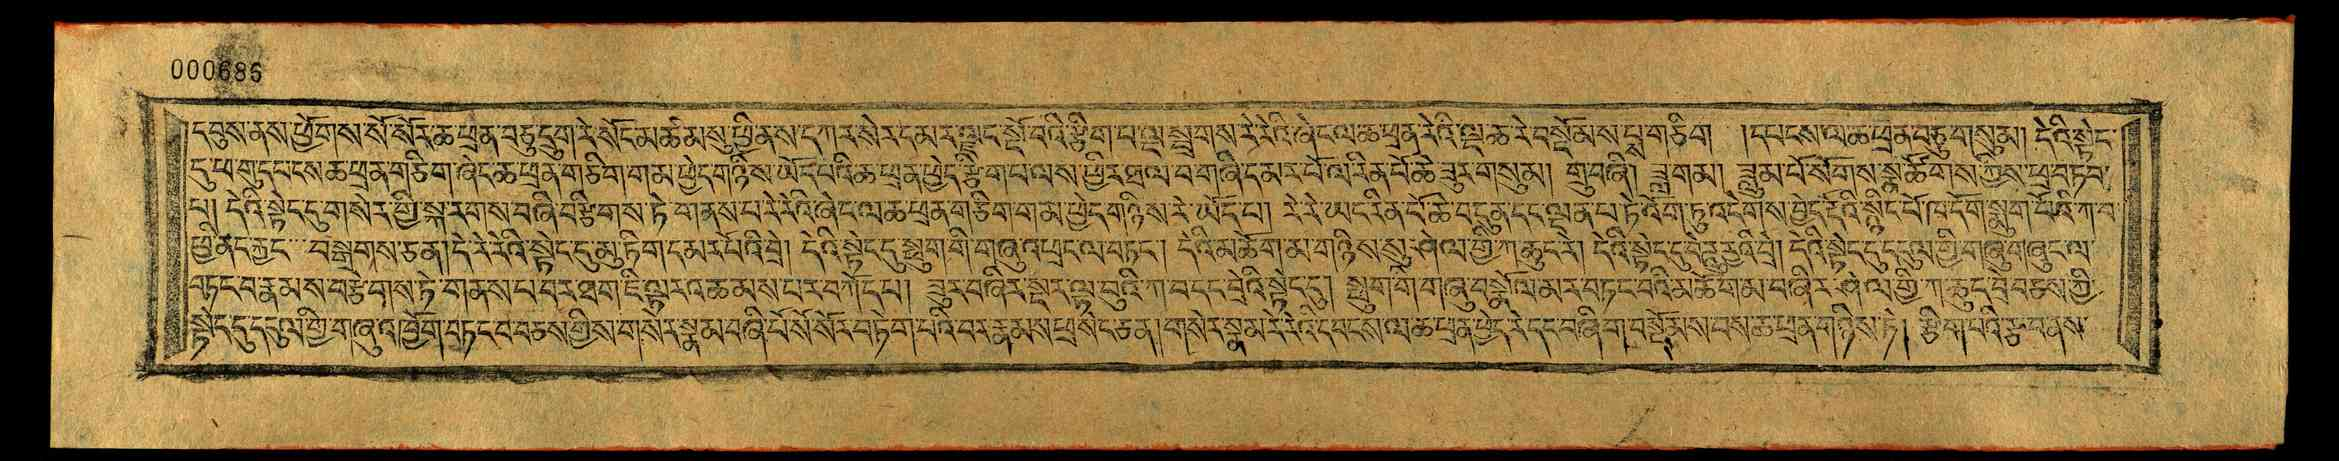དབུས་ནས་ཕྱོགས་སོ་སོར་ཆ་ཕྲན་བཅུ་དྲུག་རེ་སོང་མཚམྶུ་ཕྱི་ནས་དཀར་སེར་དམར་ལྗང་སྔོ་བའི་རྩིག་པ་ལྔ་སྦྲགས་རེ་རེའི་ཞེང་ལ་ཆ་ཕྲན་རེའི་ལྔ་ཆ་རེ་བསྡོམས་པས་གཅིག །དཔངས་ལ་ཆ་ཕྲན་བཅུ་གསུམ། དེའི་སྟེང་
དུ་ཕ་གུ་དཔངས་ཆ་ཕྲན་གཅིག་ཞེང་ཆ་ཕྲན་གཅིག་གམ་ཕྱེད་གཉིས་ཡོད་པའི་ཆ་ཕྲན་ཕྱེད་རྩིག་པ་ལས་ཕྱིར་ཐལ་བ་གཞི་དམར་པོ་ལ་རིན་པོ་ཆ་ཟུར་གསུམ། གྲུ་བཞི། ཟླ་གམ། ཟླུམ་པོ་སོགས་སྣ་ཚོགས་ཀྱིས་ཕྲ་བཏབ་
པ༑ དེའི་སྟེང་དུ་གསེར་གྱི་སྐ་རགས་བཞི་བརྩེགས་ཏེ་གནས་པ་རེ་རེའི་ཞེང་ལ་ཆ་ཕྲན་གཅིག་གམ་ཕྱེད་གཉིས་རེ་ཡོད་པ། རེ་རེ་ཡང་རིན་པོ་ཆེ་བདུན་དང་ལྡན་པ་སྟེ་འོག་ཏུ་འདེགས་བྱེད་རྡོའི་སྙིང་པོ་ཁ་དོག་སྨུག་པོའི་ཀ་བ་
ཕྱི་ནང་རྐྱང་བསྒྲིགས་ཅན། དེ་རེ་རེའི་སྟེང་དུ་མུ་ཏིག་དམར་པོའི་བྲེ། དེའི་སྟེང་དུ་སྤུག་གི་གཞུ་འཕྲེད་ལ་བཏང་། དེའི་མཆོག་མ་གཉིས་སུ་ཤེལ་གྱི་ཀ་ཆུང་རེ། དེའི་སྟེང་དུ་བཻཌཱུཡའི་བྲེ། དེའི་སྟེང་དུ་དངུལ་གྱི་གཞུ་གཞུང་ལ་
བཏང་བ་རྣམས་བརྩེགས་ཏེ་གནས་པ་བར་ཐག་ཇི་ལྟར་འཚམས་པར་བཀོད་པ། ཟུར་བཞིར་སྔར་ལྟ་བུའི་ཀ་བ་དང་བྲེའི་སྟེང་དུ། སྤུག་གི་གཞུ་བསྣོལ་མར་བཏང་བའི་མཆོག་མ་བཞིར་ཤེལ་གྱི་ཀ་ཆུང་བྲེ་བཅས་ཀྱི་
སྟེང་དུ་དངུལ་གྱི་གཞུ་འཁྱོག་བཏང་བ་བཅས་ཀྱིས་གསེར་སྣམ་བཞི་པོ་སོ་སོར་བཏེག་པའི་བར་རྣམས་ཕྲ་སེང་ཅན། གསེར་སྣམ་རེ་རེའི་དཔངས་ལ་ཆ་ཕྲན་ཕྱེད་རེ་དང་བཞི་ག་བསྡོམས་པས་ཆ་ཕྲན་གཉིས་ཏེ། རྩིག་པའི་རྩ་བ་ནས་